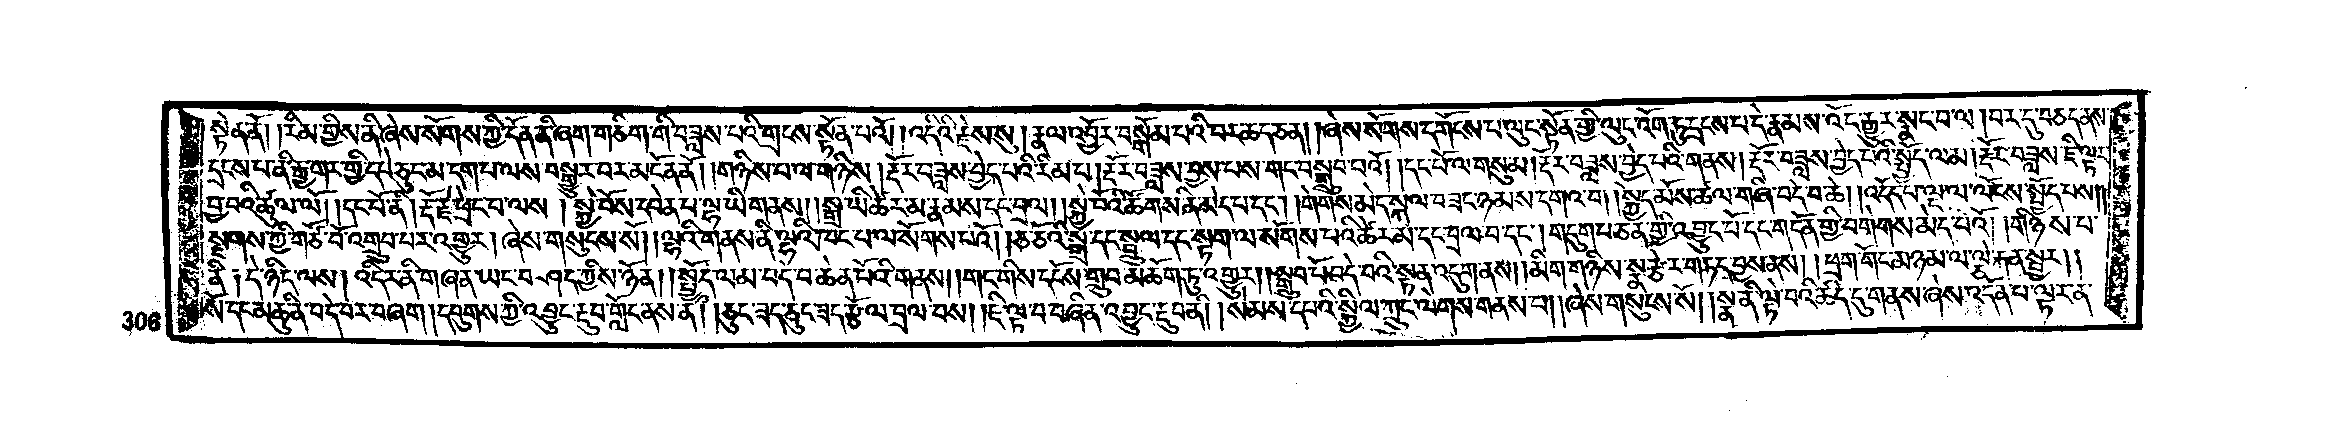སྟོན་ནོ། །རིམ་གྱིས་ནི་ཞེས་སོགས་ཀྱི་དོན་ནི་ཞག་གཅིག་གི་བཟླས་པའི་གྲངས་སྟོན་པའོ། །འདིའི་རྗེས་སུ། རྣལ་འབྱོར་བསྒོམ་པའི་བར་ཆད་ཅན། །ཞེས་སོགས་དགོངས་པ་ལུང་སྟོན་གྱི་ལུང་འོག་ཏུ་དྲངས་པ་དེ་རྣམས་འོང་རྒྱུར་སྣང་བ་ལ། བར་དུ་བཅད་ནས་
དྲངས་པ་ནི་རྒྱ་གར་གྱི་དཔེ་ཅུང་མ་དག་པ་ལས་བསྒྱུར་བར་མངོན་ནོ། །གཉིས་པ་ལ་གཉིས། རྡོར་བཟླས་བྱེད་པའི་རིམ་པ། རྡོར་བཟླས་བྱས་པས་གང་བསྒྲུབ་པའོ། །དང་པོ་ལ་གསུམ། རྡོར་བཟླས་བྱེད་པའི་གནས། རྡོར་བཟླས་བྱེད་པའི་སྤྱོད་ལམ། རྡོར་བཟླས་ཇི་ལྟར་
བྱ་བའི་ཚུལ་ལོ། །དང་པོ་ནི། རྡོ་རྗེ་ཕྲེང་བ་ལས། སྐྱེ་བོས་དབེན་པ་ལྷ་ཡི་གནས། །སྒྲ་ཡི་ཚེར་མ་རྣམས་དང་བྲལ། །སྐྱེ་བོའི་ཚོགས་ནི་མེད་པ་དང་། །གེགས་མེད་སྐལ་བཟང་ཉམས་དགའ་བ། །སྐྱེད་མོས་ཚལ་གཞི་བདེ་བ་ཆེ། །འདོད་པ་ལྔ་ལ་ལོངས་སྤྱོད་པས། །
སྔགས་ཀྱི་གཙོ་བོ་འགྲུབ་པར་འགྱུར། ཞེས་གསུངས་སོ། །ལྷའི་གནས་ནི་ལྷའི་ཁང་པ་ལ་སོགས་པའོ། །ཅ་ཅོའི་སྒྲ་དང་སྦྲུལ་དང་སྟག་ལ་སོགས་པའི་ཚེར་མ་དང་བྲལ་བ་དང་། གདུག་པ་ཅན་གྱི་འབྱུང་པོ་དང་གདོན་གྱི་བགེགས་མེད་པའོ། །གཉིས་པ་
ནི། དེ་ཉིད་ལས། འདིར་ནི་གཞན་ཡང་བཤད་ཀྱིས་ཉོན། །སྤྱོད་ལམ་བདེ་བ་ཆེན་པོའི་གནས། །གང་གིས་དངོས་གྲུབ་མཆོག་ཏུ་འགྱུར། །སྒྲུབ་པོ་བདེ་བའི་སྟན་འདུག་ནས། །མིག་གཉིས་སྣ་རྩར་གཏད་བྱས་ནས། །ཕྲག་གོང་མཉམ་ལ་ལྕེ་རྐན་སྦྱར། །
སོ་དང་མཆུ་ནི་བདེ་བར་བཞག །དབུགས་ཀྱི་འབྱུང་རྔུབ་གློང་ནས་ནི། །ཅུང་ཟད་ཅུང་ཟད་རྩོལ་བྲལ་བས། །ཇི་ལྟ་བ་བཞིན་འབྱུང་རྔུབ་ནི། །སེམས་དཔའི་སྐྱིལ་ཀྲུང་ལེགས་གནས་པ། །ཞེས་གསུངས་སོ། །སྣ་ནི་ལྟེ་བའི་ཚད་དུ་གནས་ཞེས་འདོན་པ་ལྟར་ན་